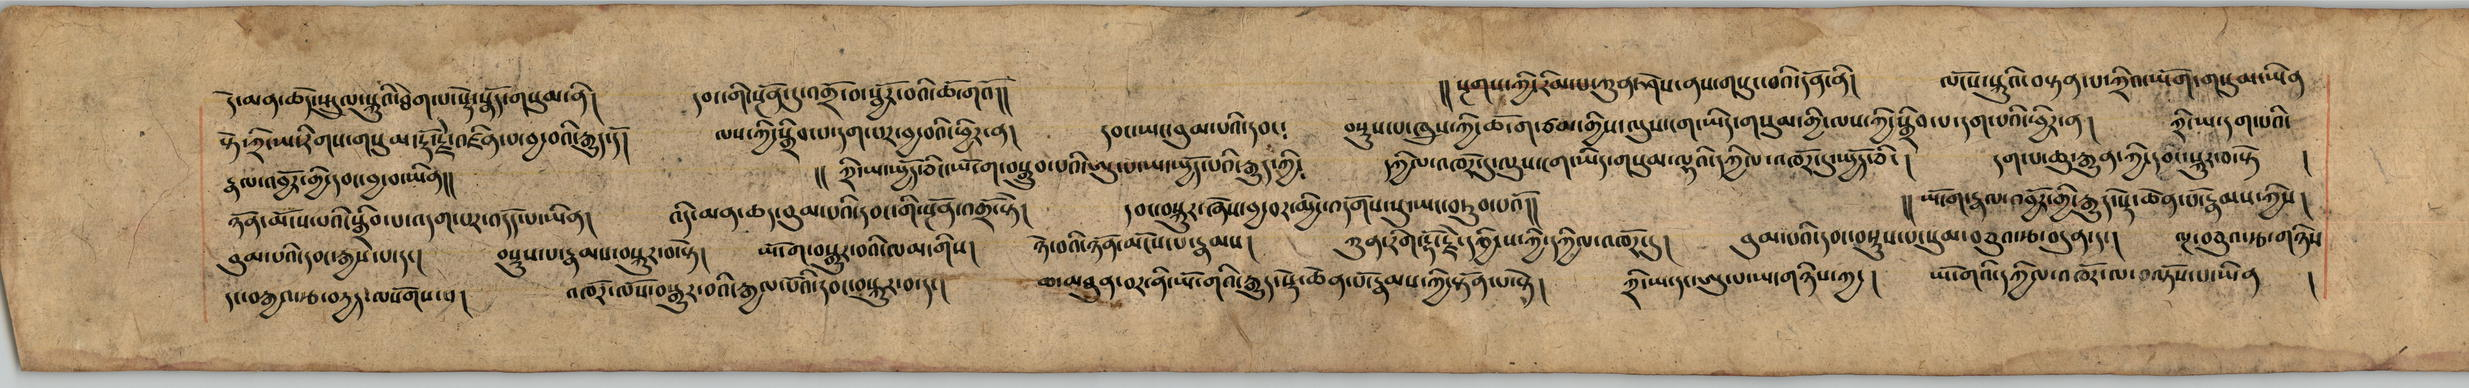དེ་མན་ཆོད་སྤྲུལ་སྐུའི་ཐེག་པ་སྡེ་སྣོད་གསུམ་ནི། དབང་གི་སྔོན་དུ་འགྲོ་བ་སྦྱོར་བའི་ཆོ་གའོ།། །།སྔགས་ཀྱི་རིམ་པ་ཀུན་ཤེས་ནས་གསུང་བའི་དོན་ནི། ལོངས་སྐུའི་བསྟན་པ་ཀྲའི་ཡོག་གསུམ་ཡིན
སྟེ་ཀྲི་ཡ་རིགས་གསུམ་རྡོ་རྗེ་འཛིན་པ་བྱ་བའི་རྒྱུད་དོ། ལས་ཀྱི་སྒྲིབ་པ་དག་པར་བྱ་བའི་ཕྱིར་ན། དབང་ཡང་བུམ་པའི་དབང༴ བསྡུས་པ་འཁྲུས་ཀྱི་ཆོ་ག་ཙམ་གྱིས་ལུས་ངག་ཡིད་གསུམ་གྱི་ལས་ཀྱི་སྒྲིབ་པ་དག་པའི་ཕྱིར་ན། ཀྲི་ཡ་དག་པའི་
རྣལ་འབྱོར་གྱི་དབང་བྱ་བ་ཡིན།། །། ཀྲི་ཡ་སྤྱོད་ཅིང་ཡོ་ག་བསྒྲུབ་པའི་ཨུ་པ་ཡ་སྤྱོད་པའི་རྒྱུད་ཀྱི༴ དཀྱིལ་འཁོར་དུ་ལུས་ངག་ཡིད་གསུམ་ལྷའི་དཀྱིལ་འཁོར་དུ་སྤྱོད་ཅིང། དག་པ་ཆུ་རྒྱུན་ཀྱི་དབང་སྐུར་བ་སྟེ
ཉོན་མོངས་པའི་སྒྲིབ་པ་འདག་པར་འདོད་པ་ཡིན། འདི་མན་ཆད་བུམ་པའི་དབང་གི་སྔོན་འགྲོ་སྟེ། དབང་བསྐུར་ཞེས་བུ་བར་མྱི་འདོགས་སུ་ཡང་བཏུབ་པའོ།། །།ཡོ་ག་རྣལ་འབྱོར་གྱི་རྒྱུད་སྡེ་ཆེན་པོ་རྣམས་ཀྱིས།
བུམ་པའི་དབང་རྒྱས་པ་དང། བསྡུས་པ་རྣམས་བསྐུར་བ་སྟེ། ཡོ་ག་བསྒྱུར་བའི་ལམ་གིས། ཉར་བའི་ཉོན་མོངས་པ་རྣམས། ཀུན་རིག་རྡོ་རྗེ་དབྱིངས་ཀྱི་དཀྱིལ་འཁོར་དུ། བུམ་པའི་དབང་བསྡུས་པ་སུམ་བཅུའ་རྩ་བདུན་དང། ལྔ་བཅུའ་རྩ་གཉིས
དང་བརྒྱའ་རྩ་བརྱད་ལསོགས་པ། འཁོར་ལོས་བསྒྱུར་བའི་རྒྱལ་པོའི་དབང་བསྐུར་བ་དང། ཆ་མཐུན་བར་ནི་ཡོ་གའི་རྒྱུད་སྡེ་ཆེན་པོ་རྣམས་ཀྱི་སྟོན་པ་སྟེ། ཀྲི་ཡ་དང་ཨུ་པ་ཡ་གཉིས་ཀྱང། ཡོ་གའི་དཀྱིལ་འཁོར་ལ་བལྟོས་པ་ཡིན